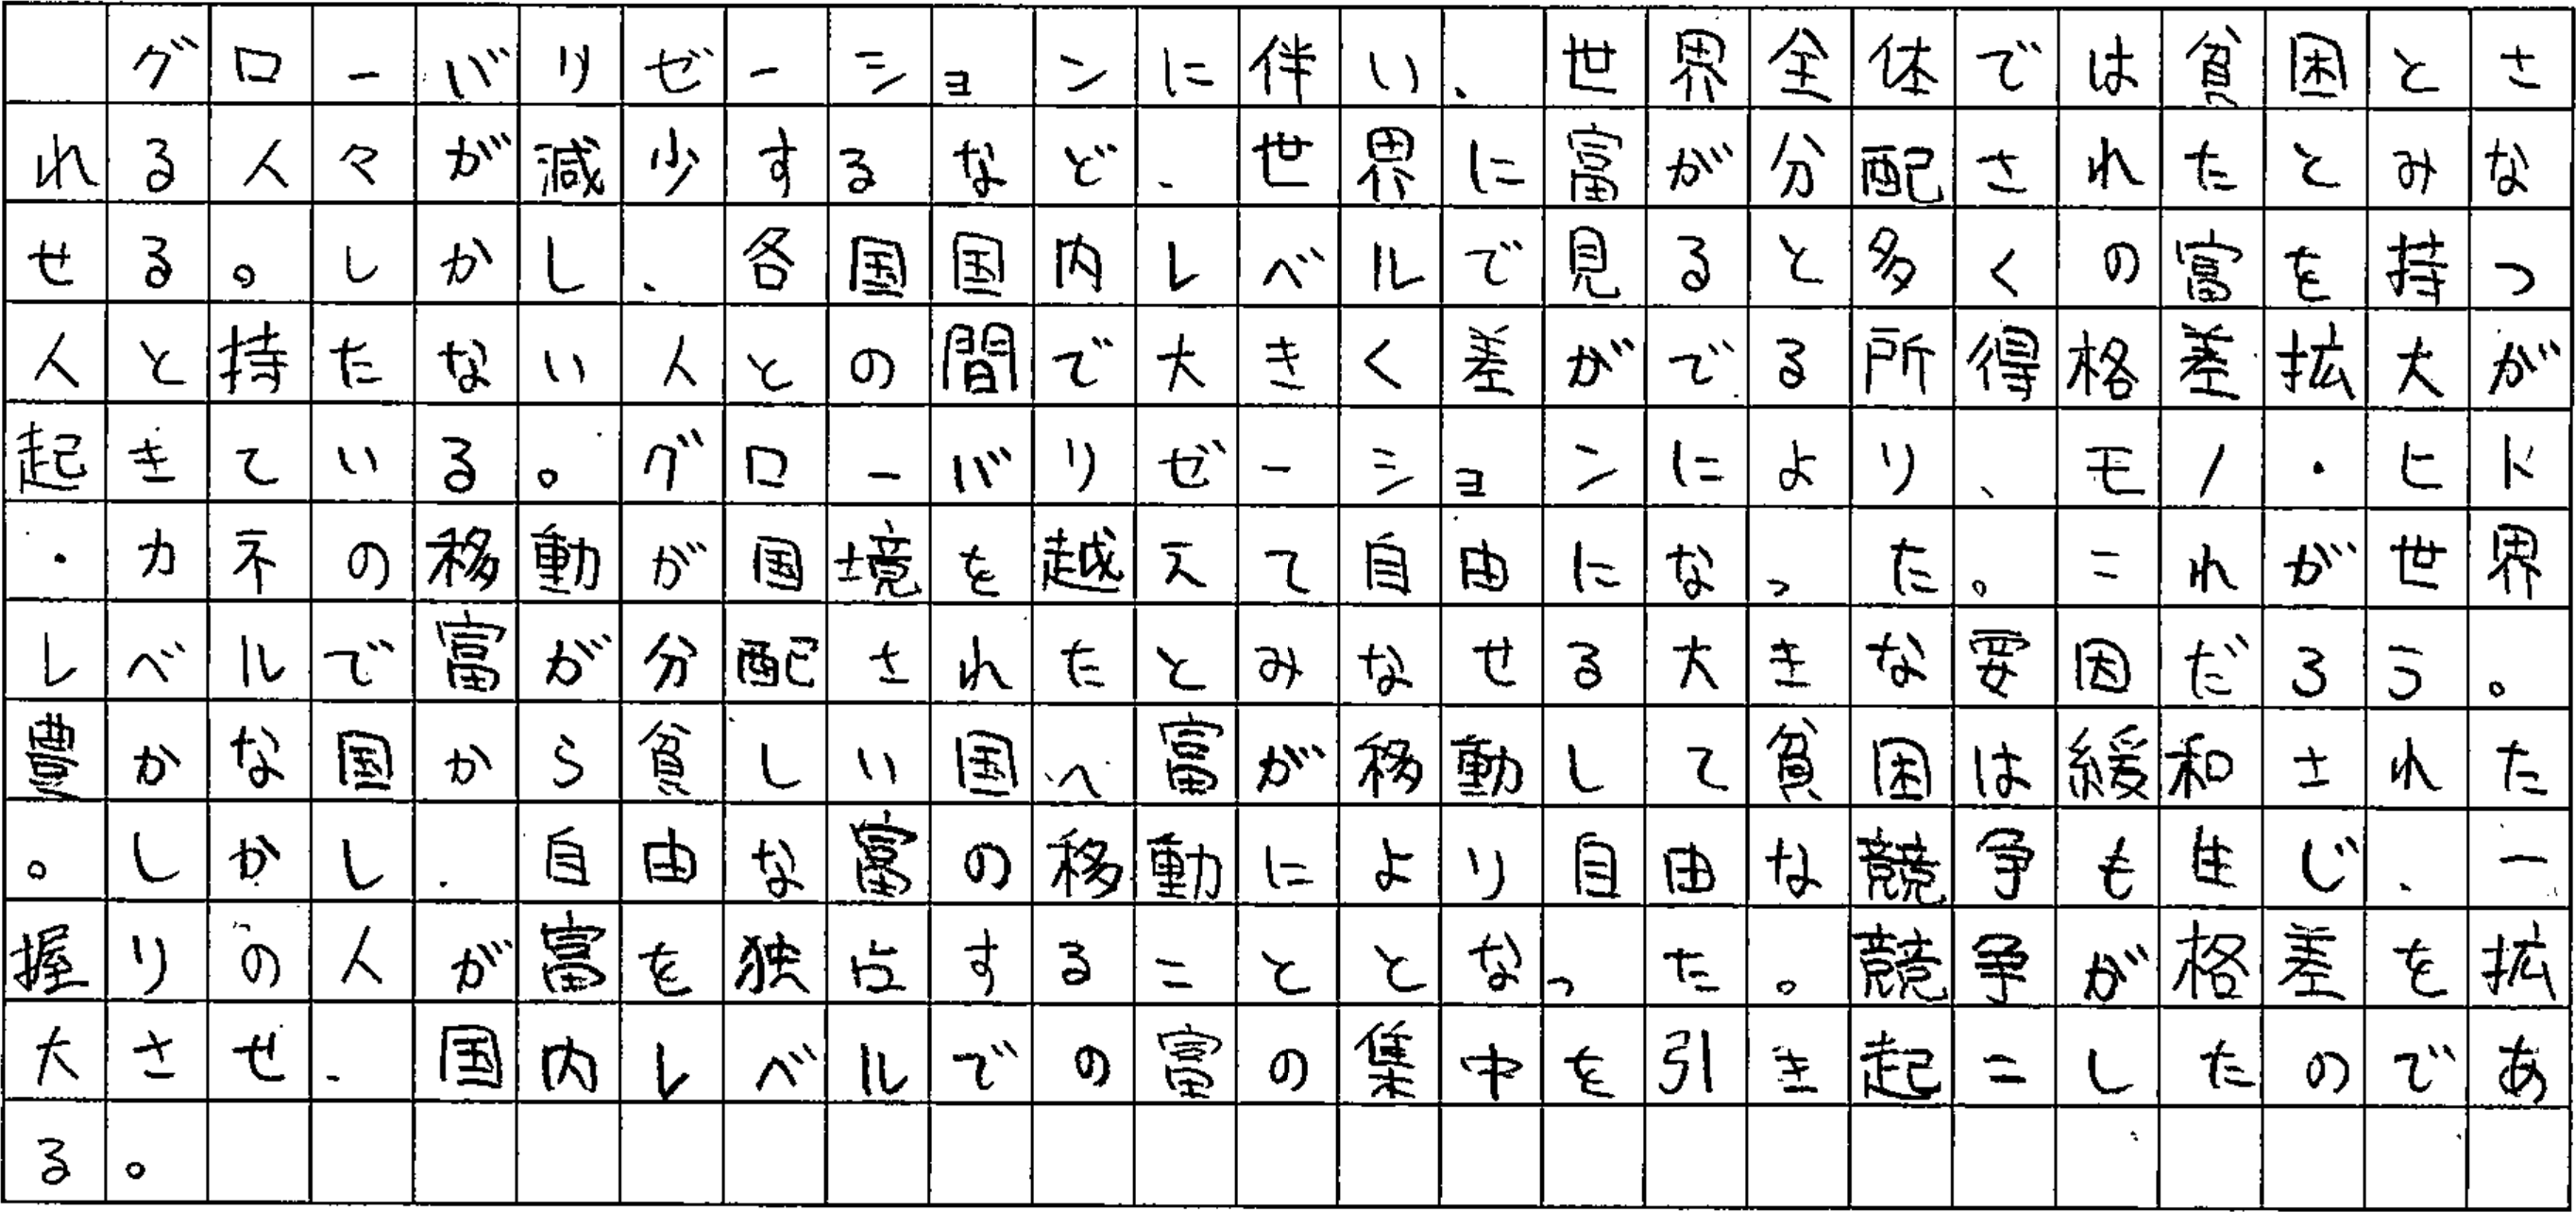　グローバリゼーションに伴い、世界全体では貧困とされる人々が減少するなど、世界に富が配分されたとみなせる。しかし、各国国内レベルで見ると多くの富を持つ人と持たない人との間で大きく差がでる所得格差拡大が起きている。グローバリゼーションにより、モノ・ヒト・カネの移動が国境を越えて自由になった。これが世界レベルで富が分配されたとみなせる大きな要因だろう。豊かな国から貧しい国へ富が移動して貧困は緩和された。しかし、自由な富の移動により自由な競争も生じ、一握りの人が富を独占することとなった。競争が格差を拡大させ、国内レベルで富の集中を引き起こしたのである。
